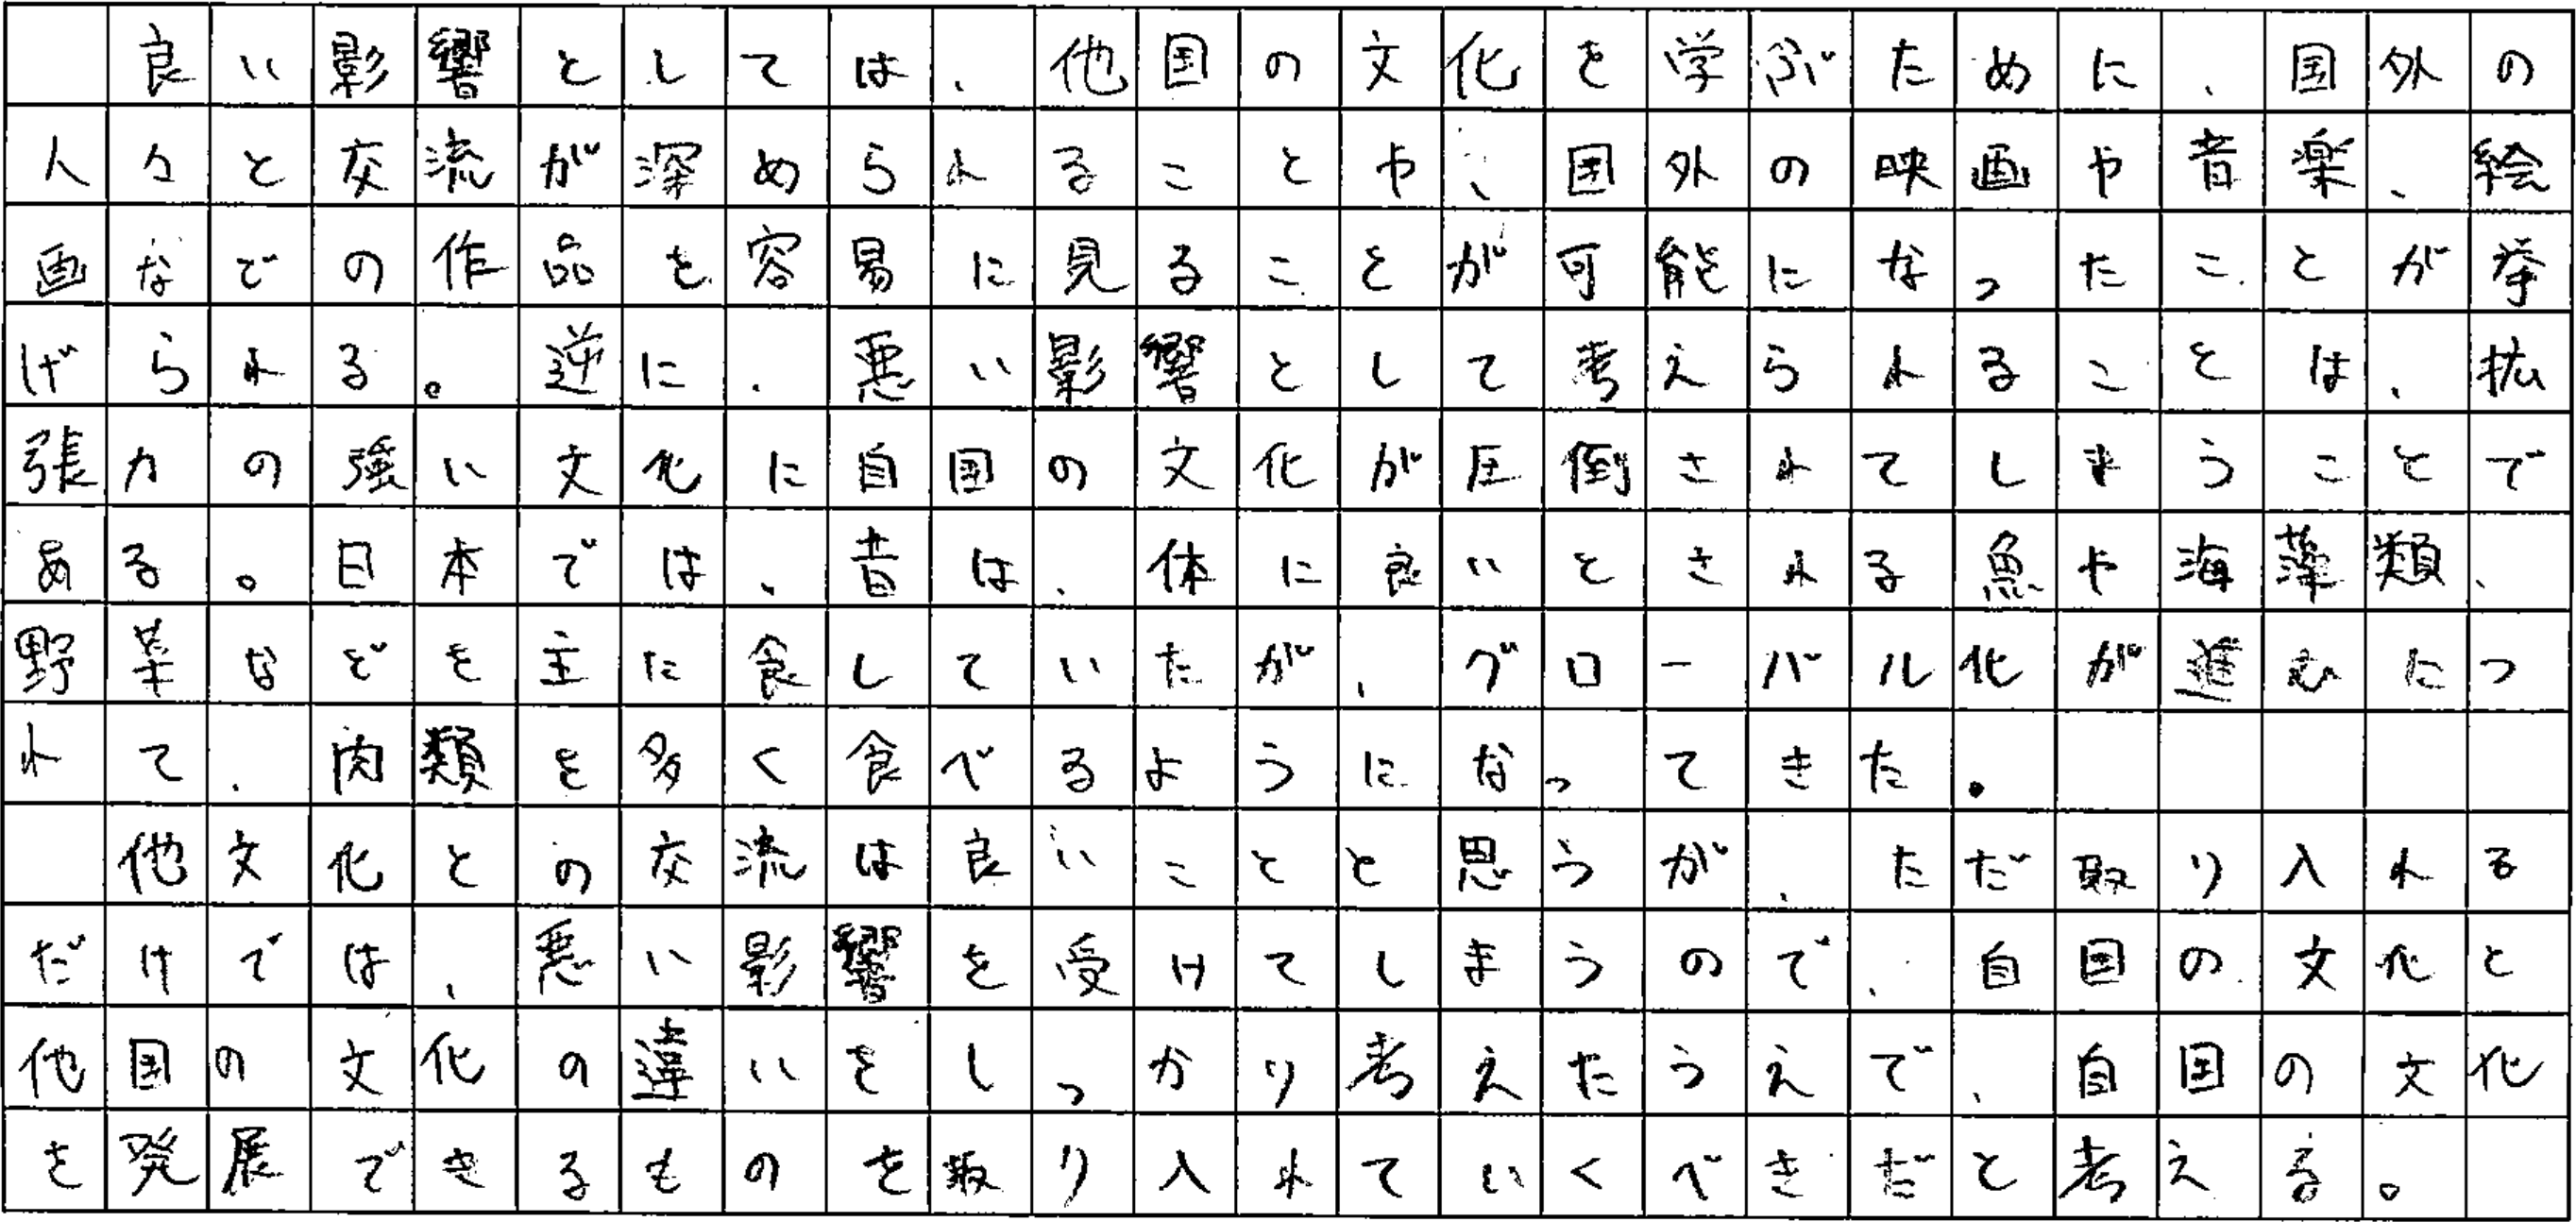　良い影響としては、他国の文化を学ぶために、国外の人々と交流が深められることや、国外の映画や音楽、絵画などの作品を容易に見ることが可能になったことが挙げられる。逆に、悪い影響として考えられることは、拡張力のある強い文化に自国の文化が圧倒されてしまうことである。日本では、昔は、体に良いとされる魚や海藻類、野菜などを主に食していたが、グローバル化が進むにつれて、肉類を多く食べるようになってきた。
　他文化との交流は良いことと思うが、ただ取り入れるだけでは、悪い影響を受けてしまうので、自国の文化と他国の文化の違いをしっかり考えたうえで、自国の文化を発展できるものを取り入れていくべきだと考える。
